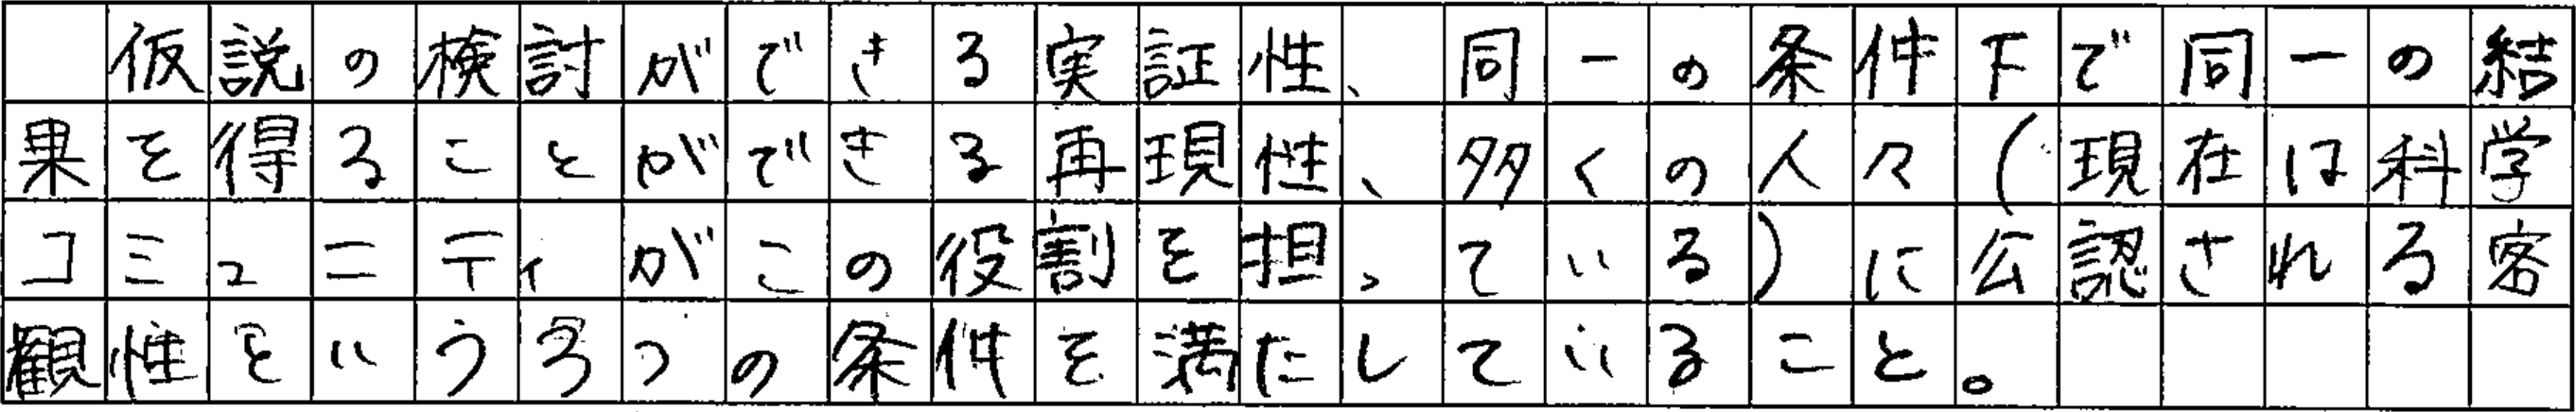　仮説の検討ができる実証性、同一の条件下で同一の結果を得ることができる再現性、多くの人々（現在は科学コミュニティがこの役割を担っている）に公認される客観性という３つの条件を満たしていること。
